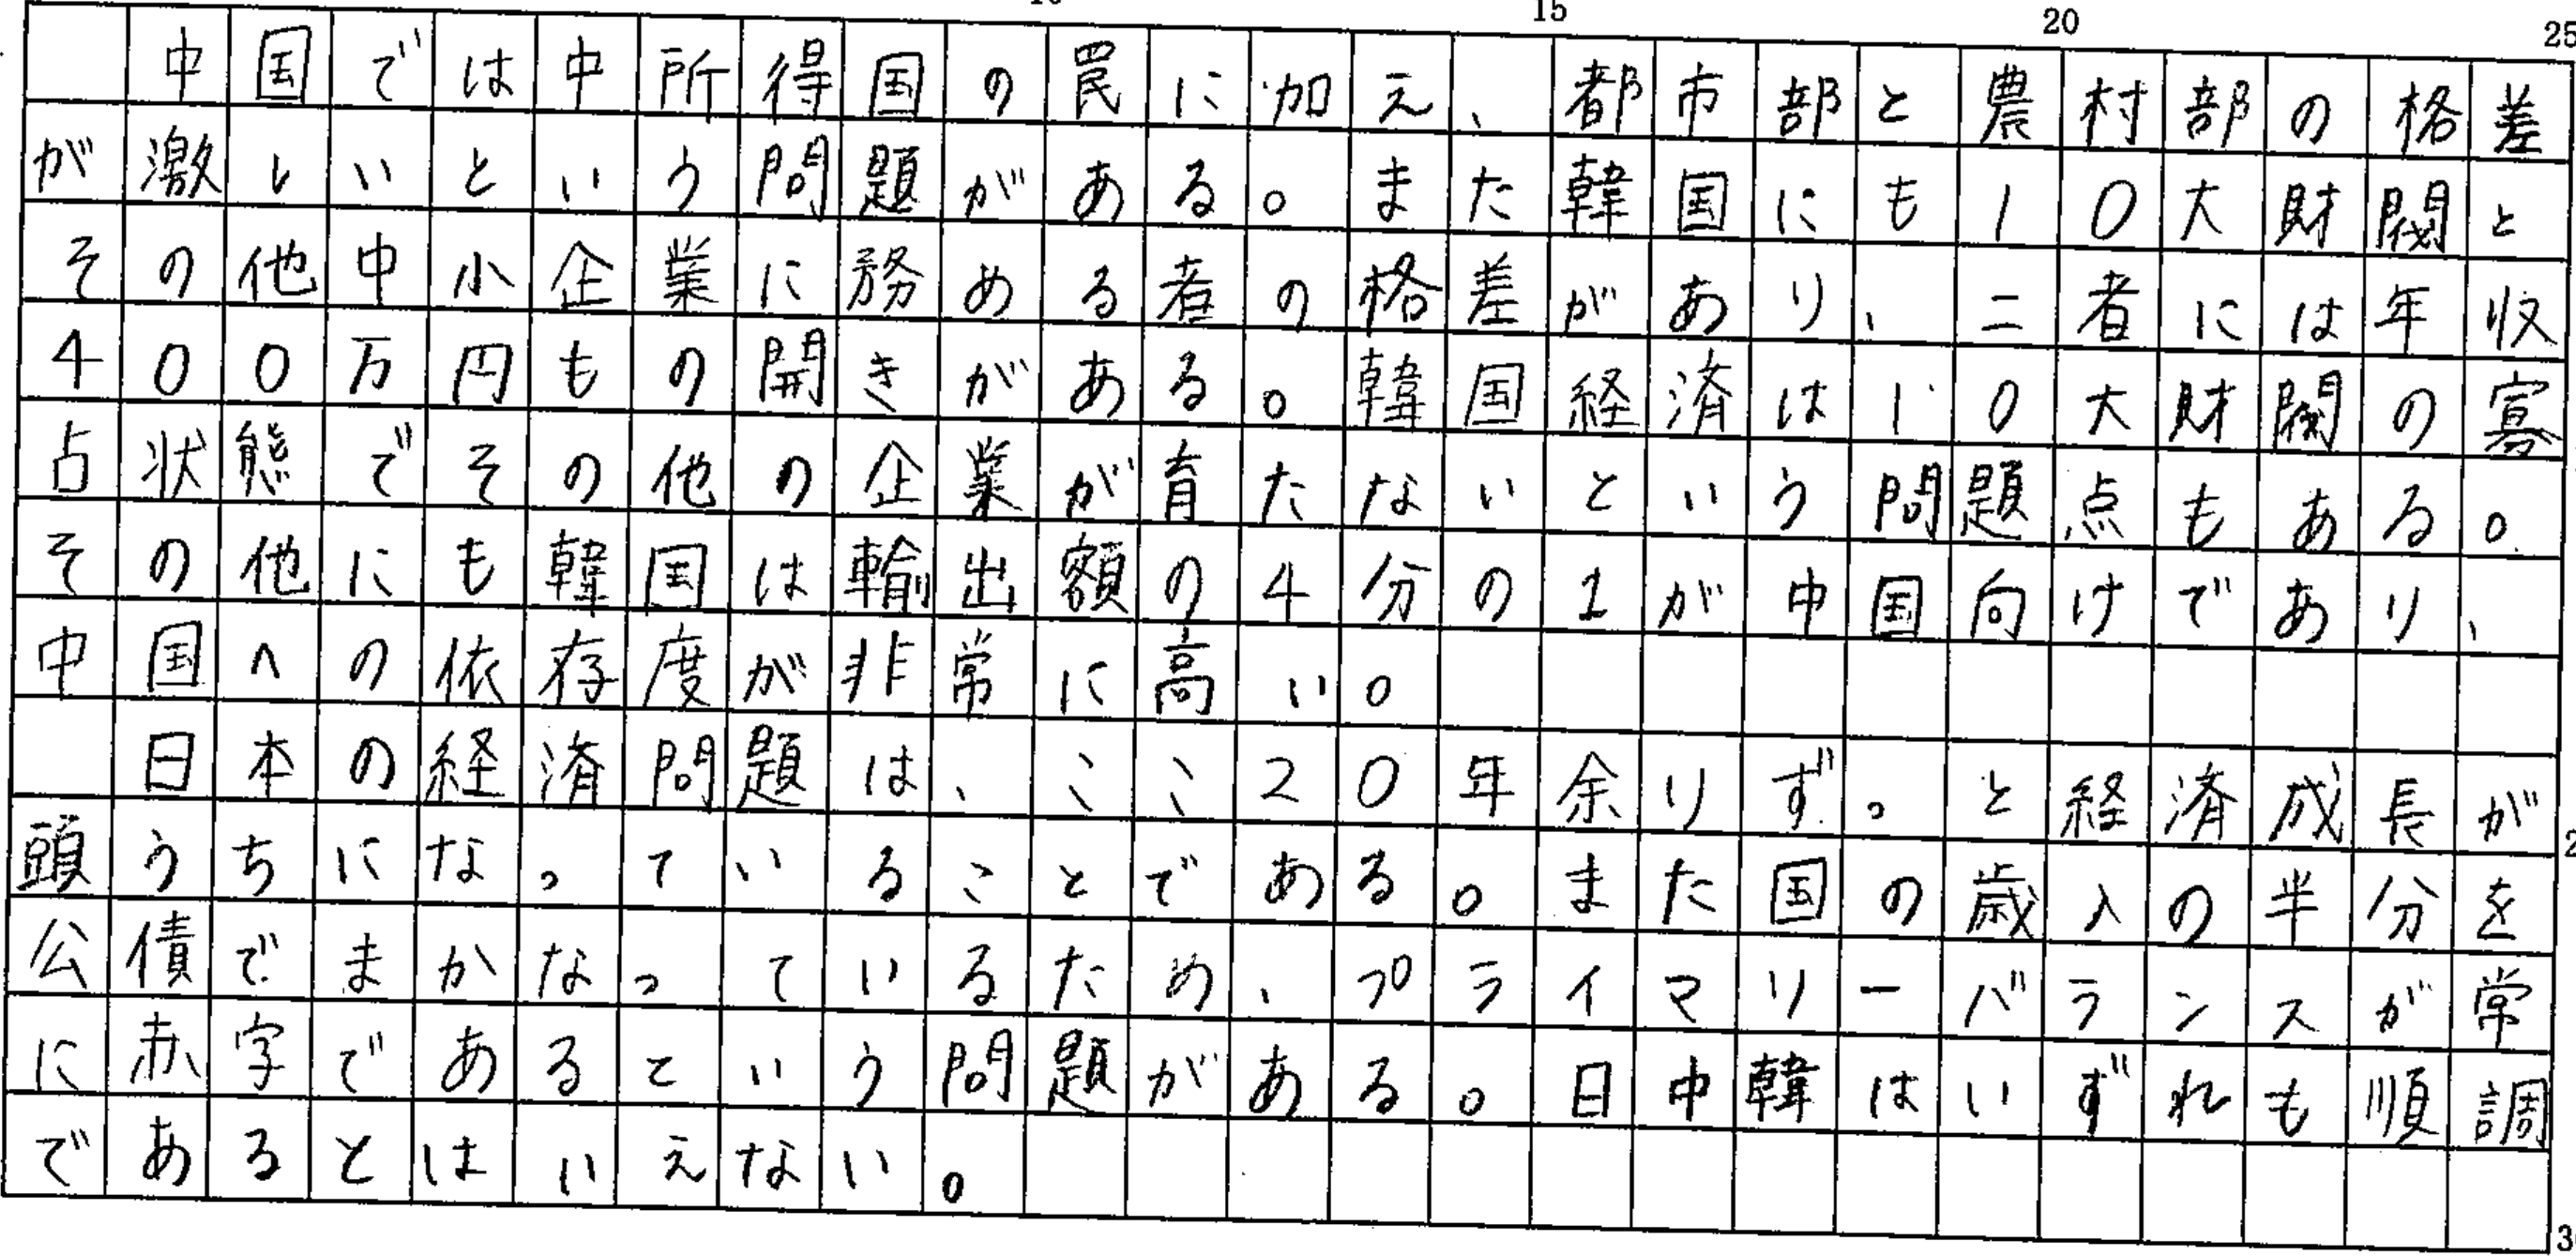　中国では中所得国の罠に加え、都市部と農村部の格差が激しいという問題がある。また韓国にも１０大財閥とその他中小企業に務める者の格差があり、二者には年収４００万円もの開きがある。韓国経済は１０大財閥の寡占状態でその他の企業が育たないという問題点もある。その他にも韓国は輸出額の４分の１が中国向けであり、中国への依存度が非常に高い。
　日本の経済問題は、ここ２０年余りずっと経済成長が頭うちになっていることである。また国の歳入の半分を公債でまかなっているため、プライマリーバランスが常に赤字であるという問題がある。日中韓はいずれも順調であるとはいえない。
